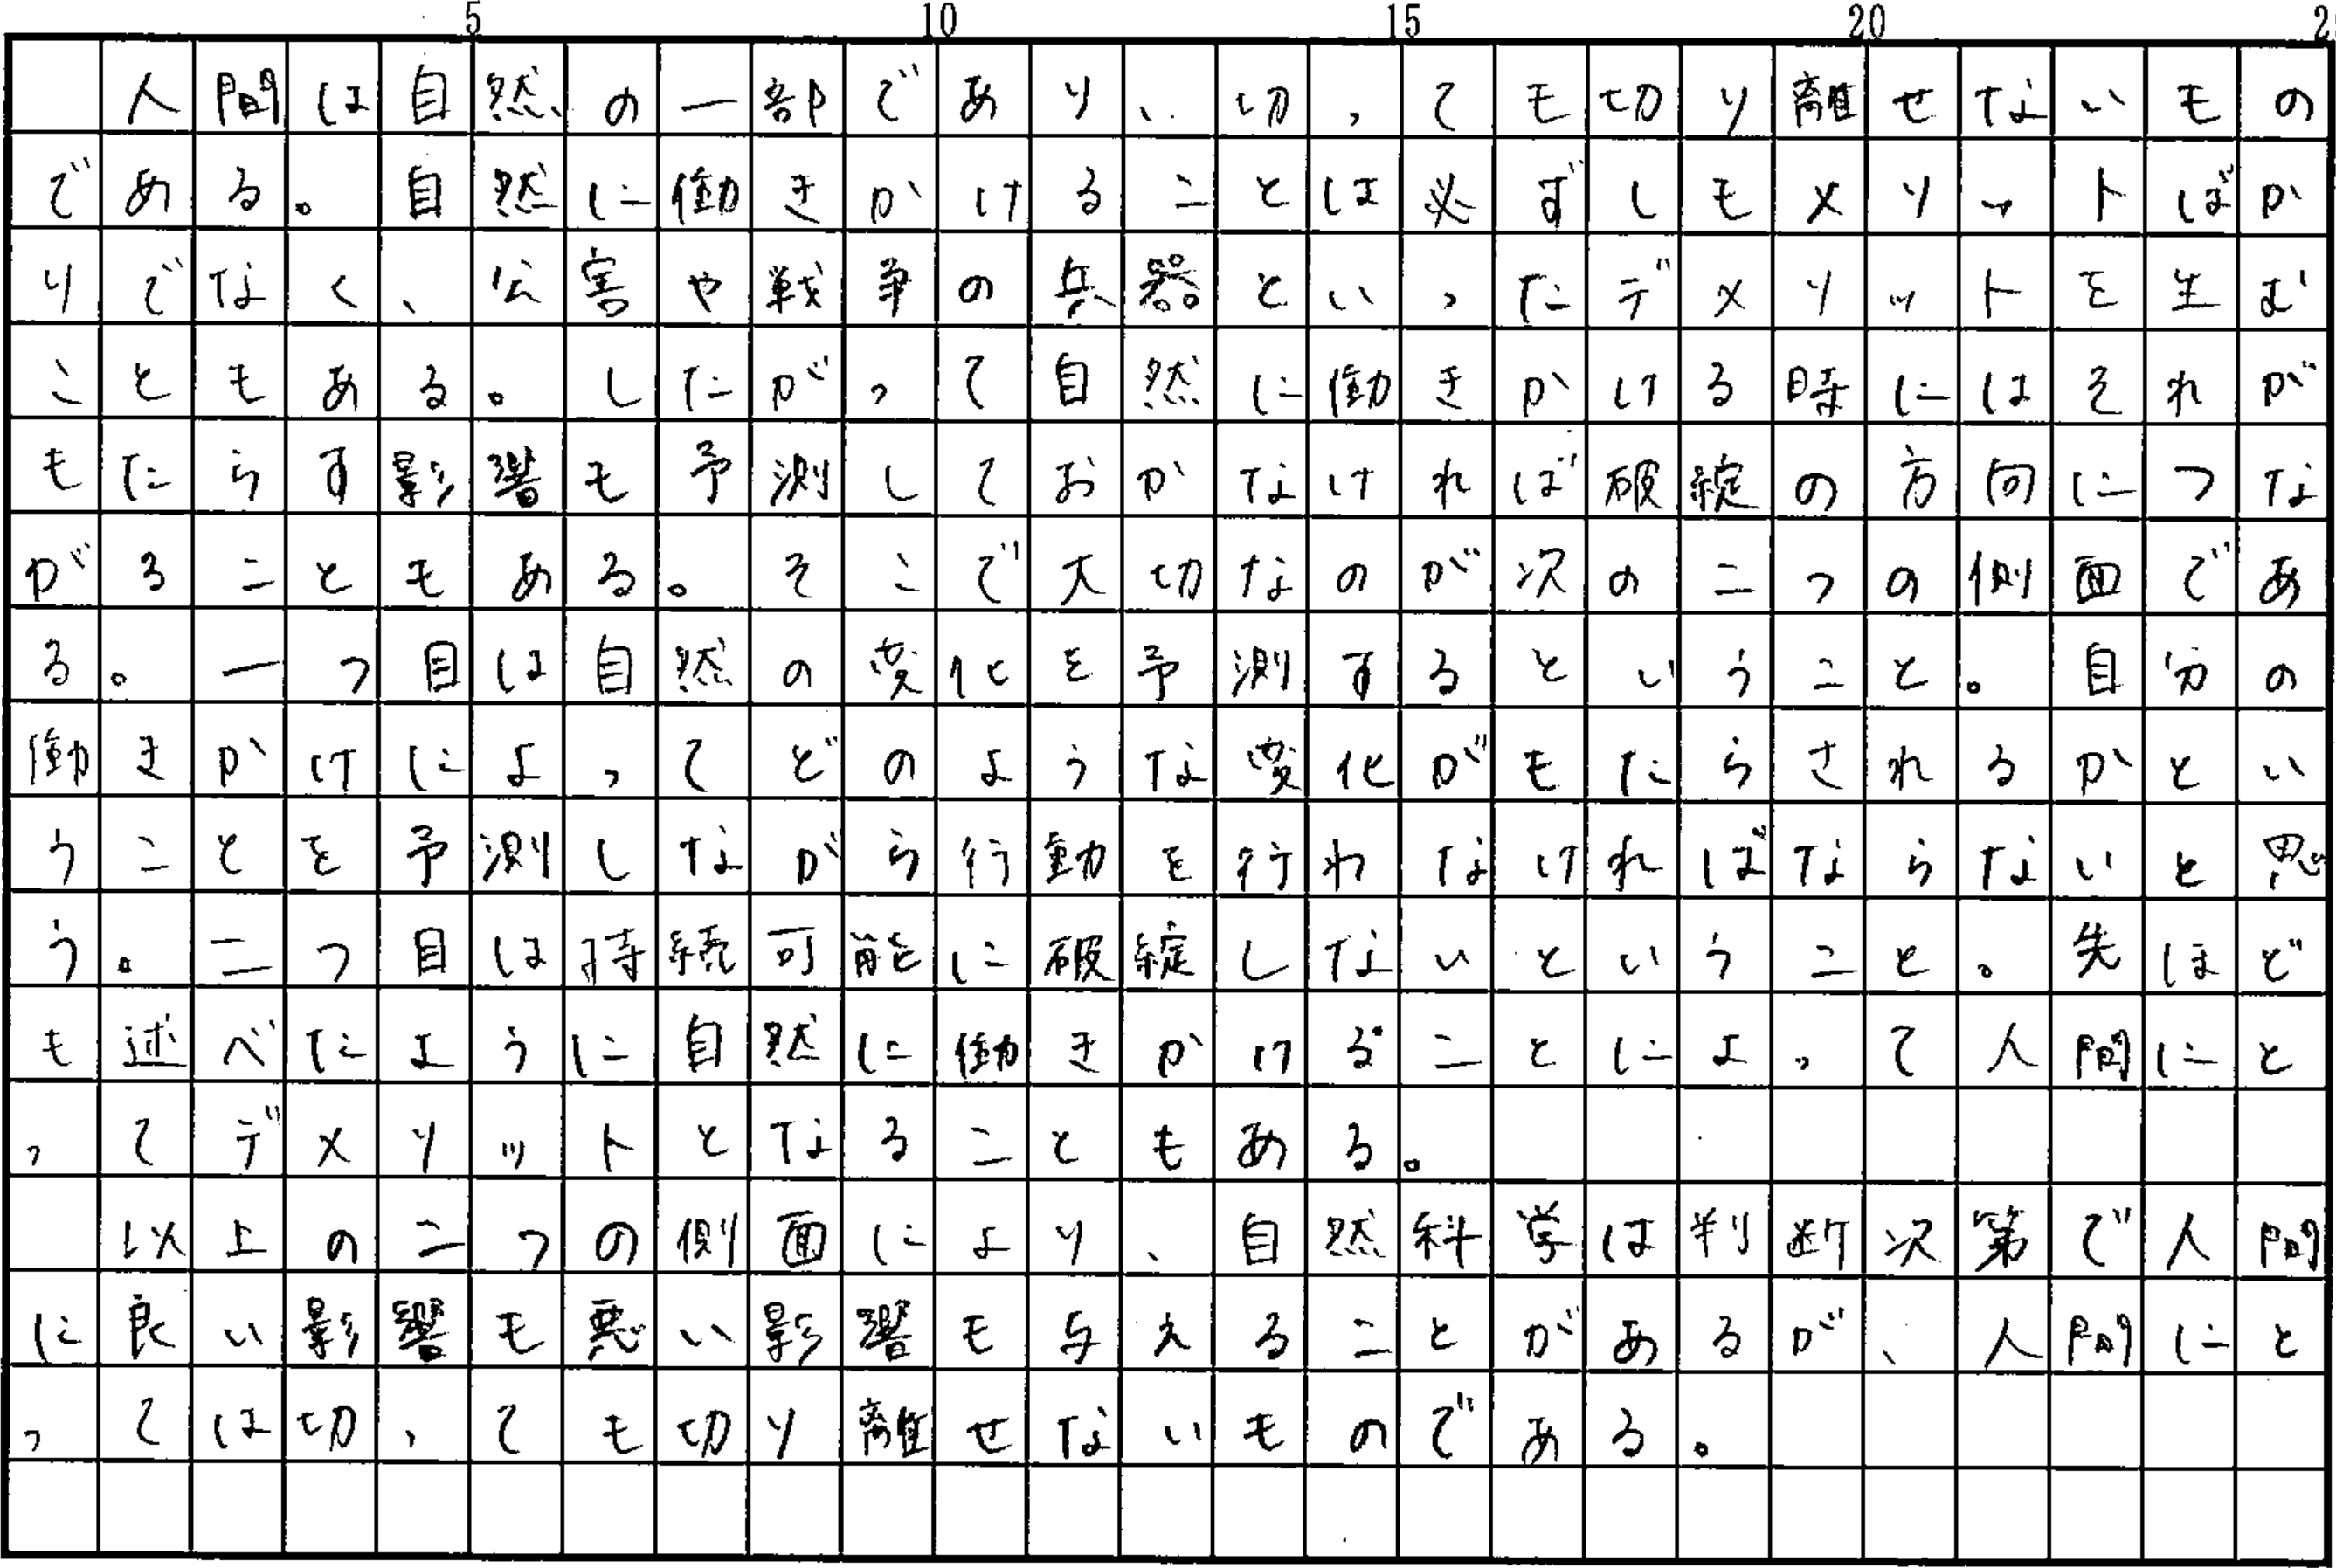　人間は自然の一部であり、切っても切り離せないものである。自然に働きかけることは必ずしもメリットばかりでなく、公害や戦争の兵器といったデメリットを生むこともある。したがって自然に働きかける時にはそれがもたらす影響も予測しておかなければ破綻の方向につながることもある。そこで大切なのが次の二つの側面である。一つ目は自然の変化を予測するということ。自分の働きかけによってどのような変化がもたらされるかということを予測しながら行動を行わなければならないと思う。二つ目は持続可能に破綻しないということ。先ほども述べたように自然に働きかけることによって人間にとってデメリットとなることもある。
　以上の二つの側面により、自然科学は判断次第で人間に良い影響も悪い影響も与えることがあるが、人間にとっては切っても切り離せないものである。
